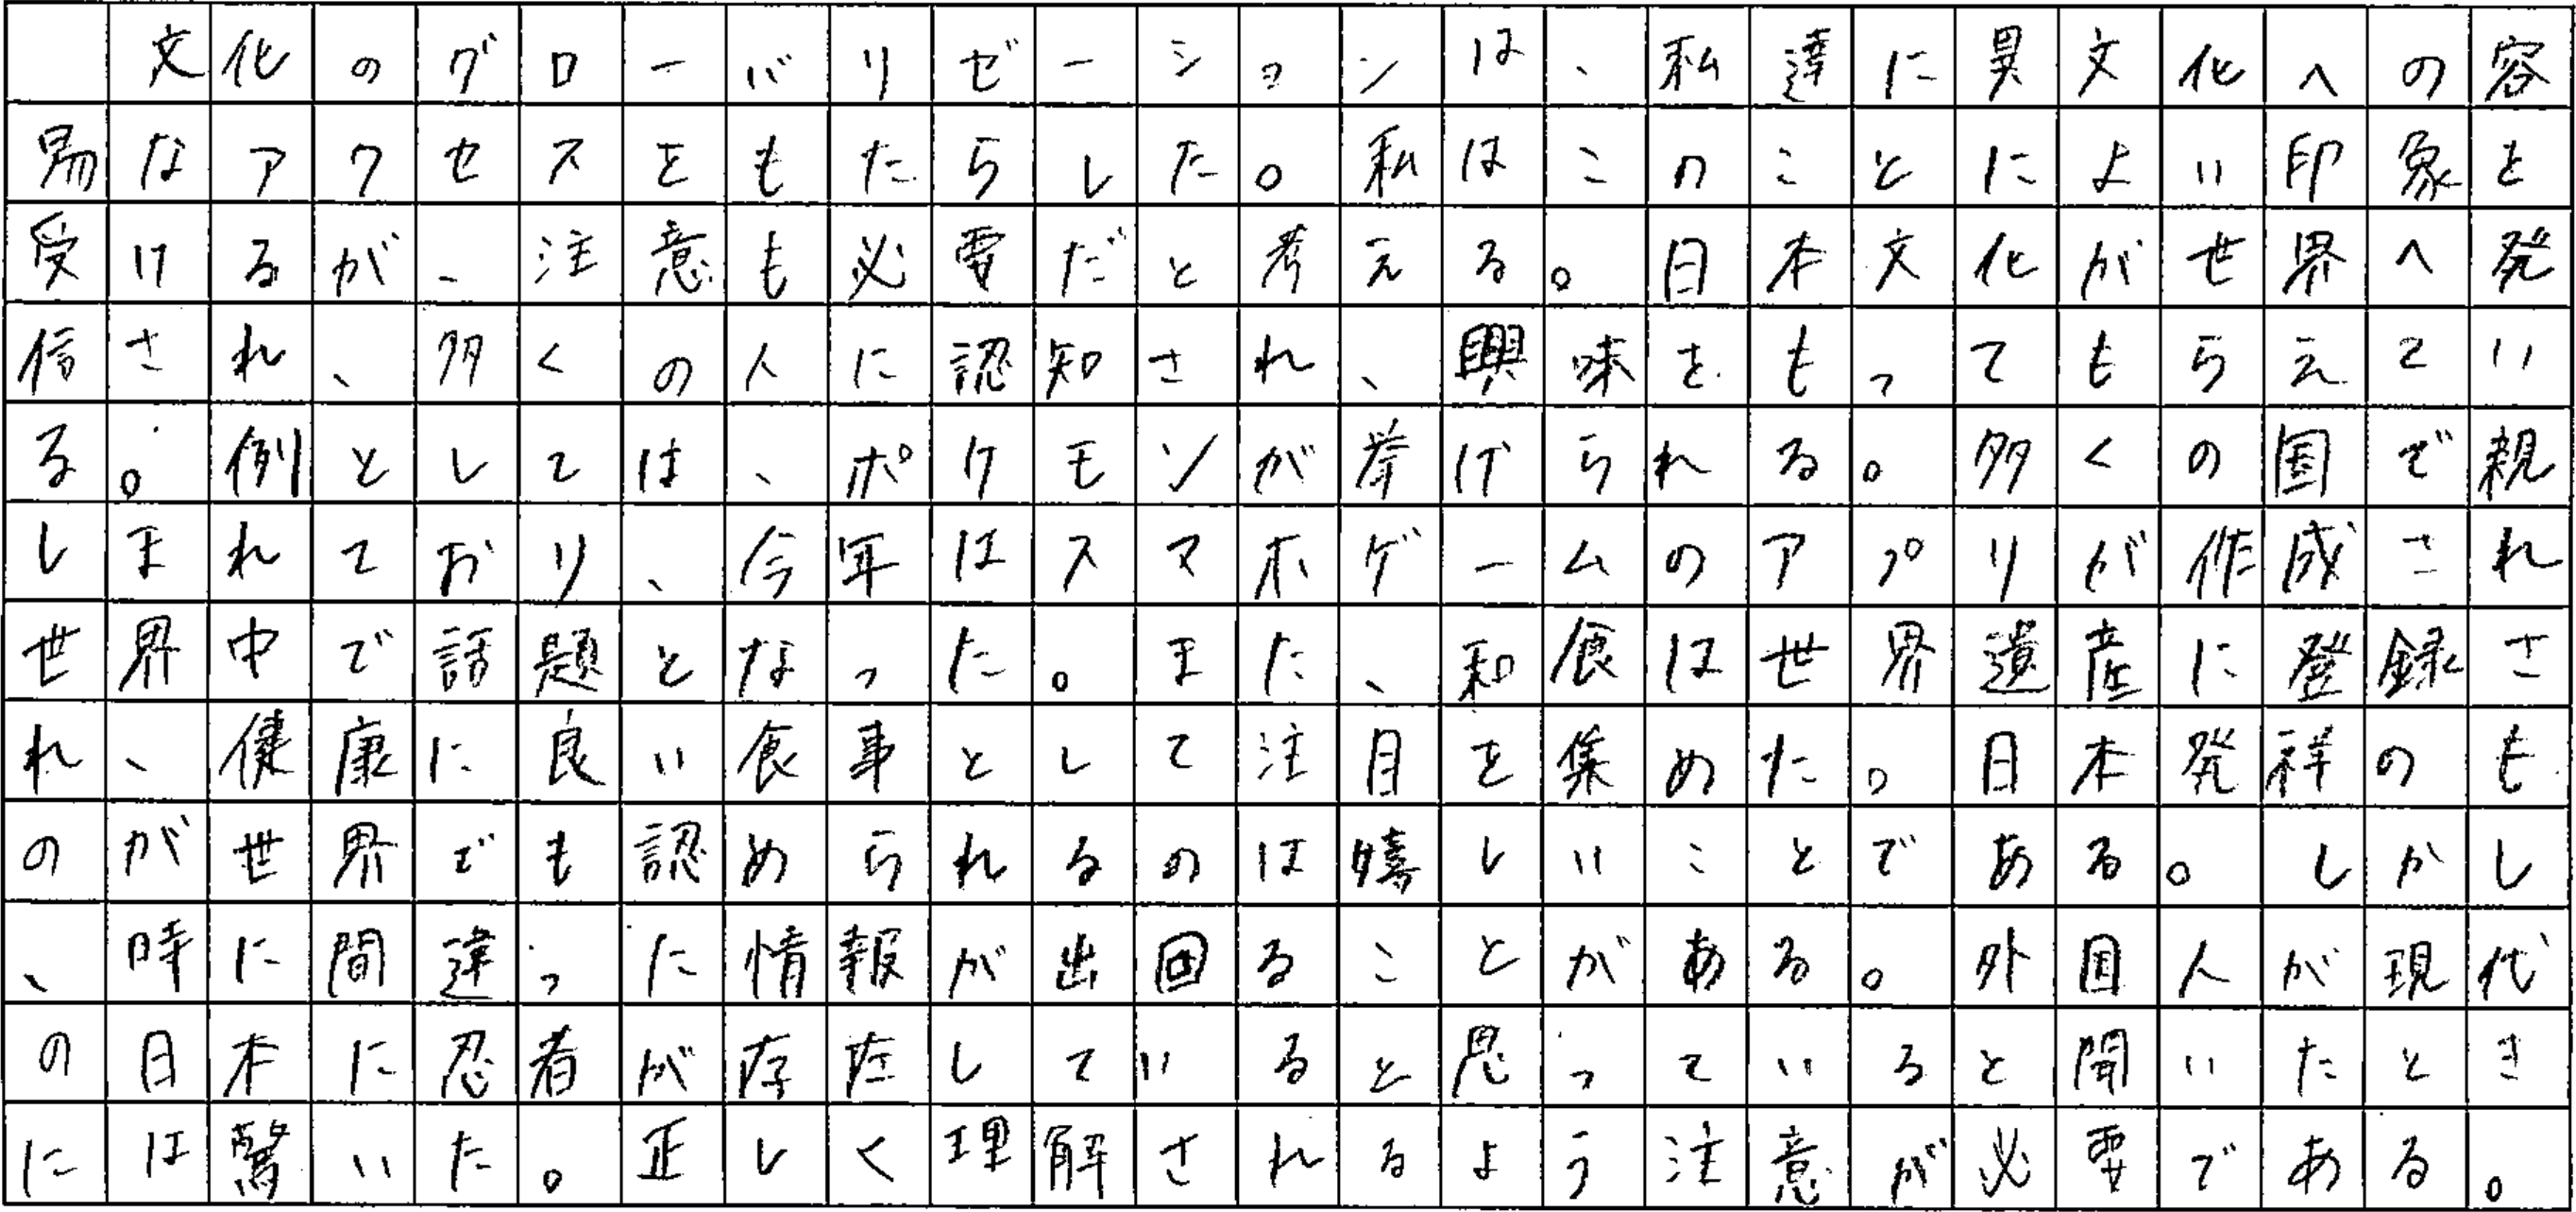　文化のグローバリゼーションは、私達に異文化への容易なアクセスをもたらした。私はこのことによい印象を受けるが、注意も必要だと考える。日本文化が世界へ発信され、多くの人に認知され、興味をもってもらえている。例としては、ポケモンが挙げられる。多くの国で親しまれており、今年はスマホゲームのアプリが作成され世界中で話題となった。また、和食は世界遺産に登録され、健康に良い食事として注目を集めた。日本発祥のものが世界でも認められるのは嬉しいことである。しかし、時に間違った情報が出回ることがある。外国人が現代の日本に忍者が存在していると思っていると聞いたときには驚いた。正しく理解されるよう注意が必要である。
